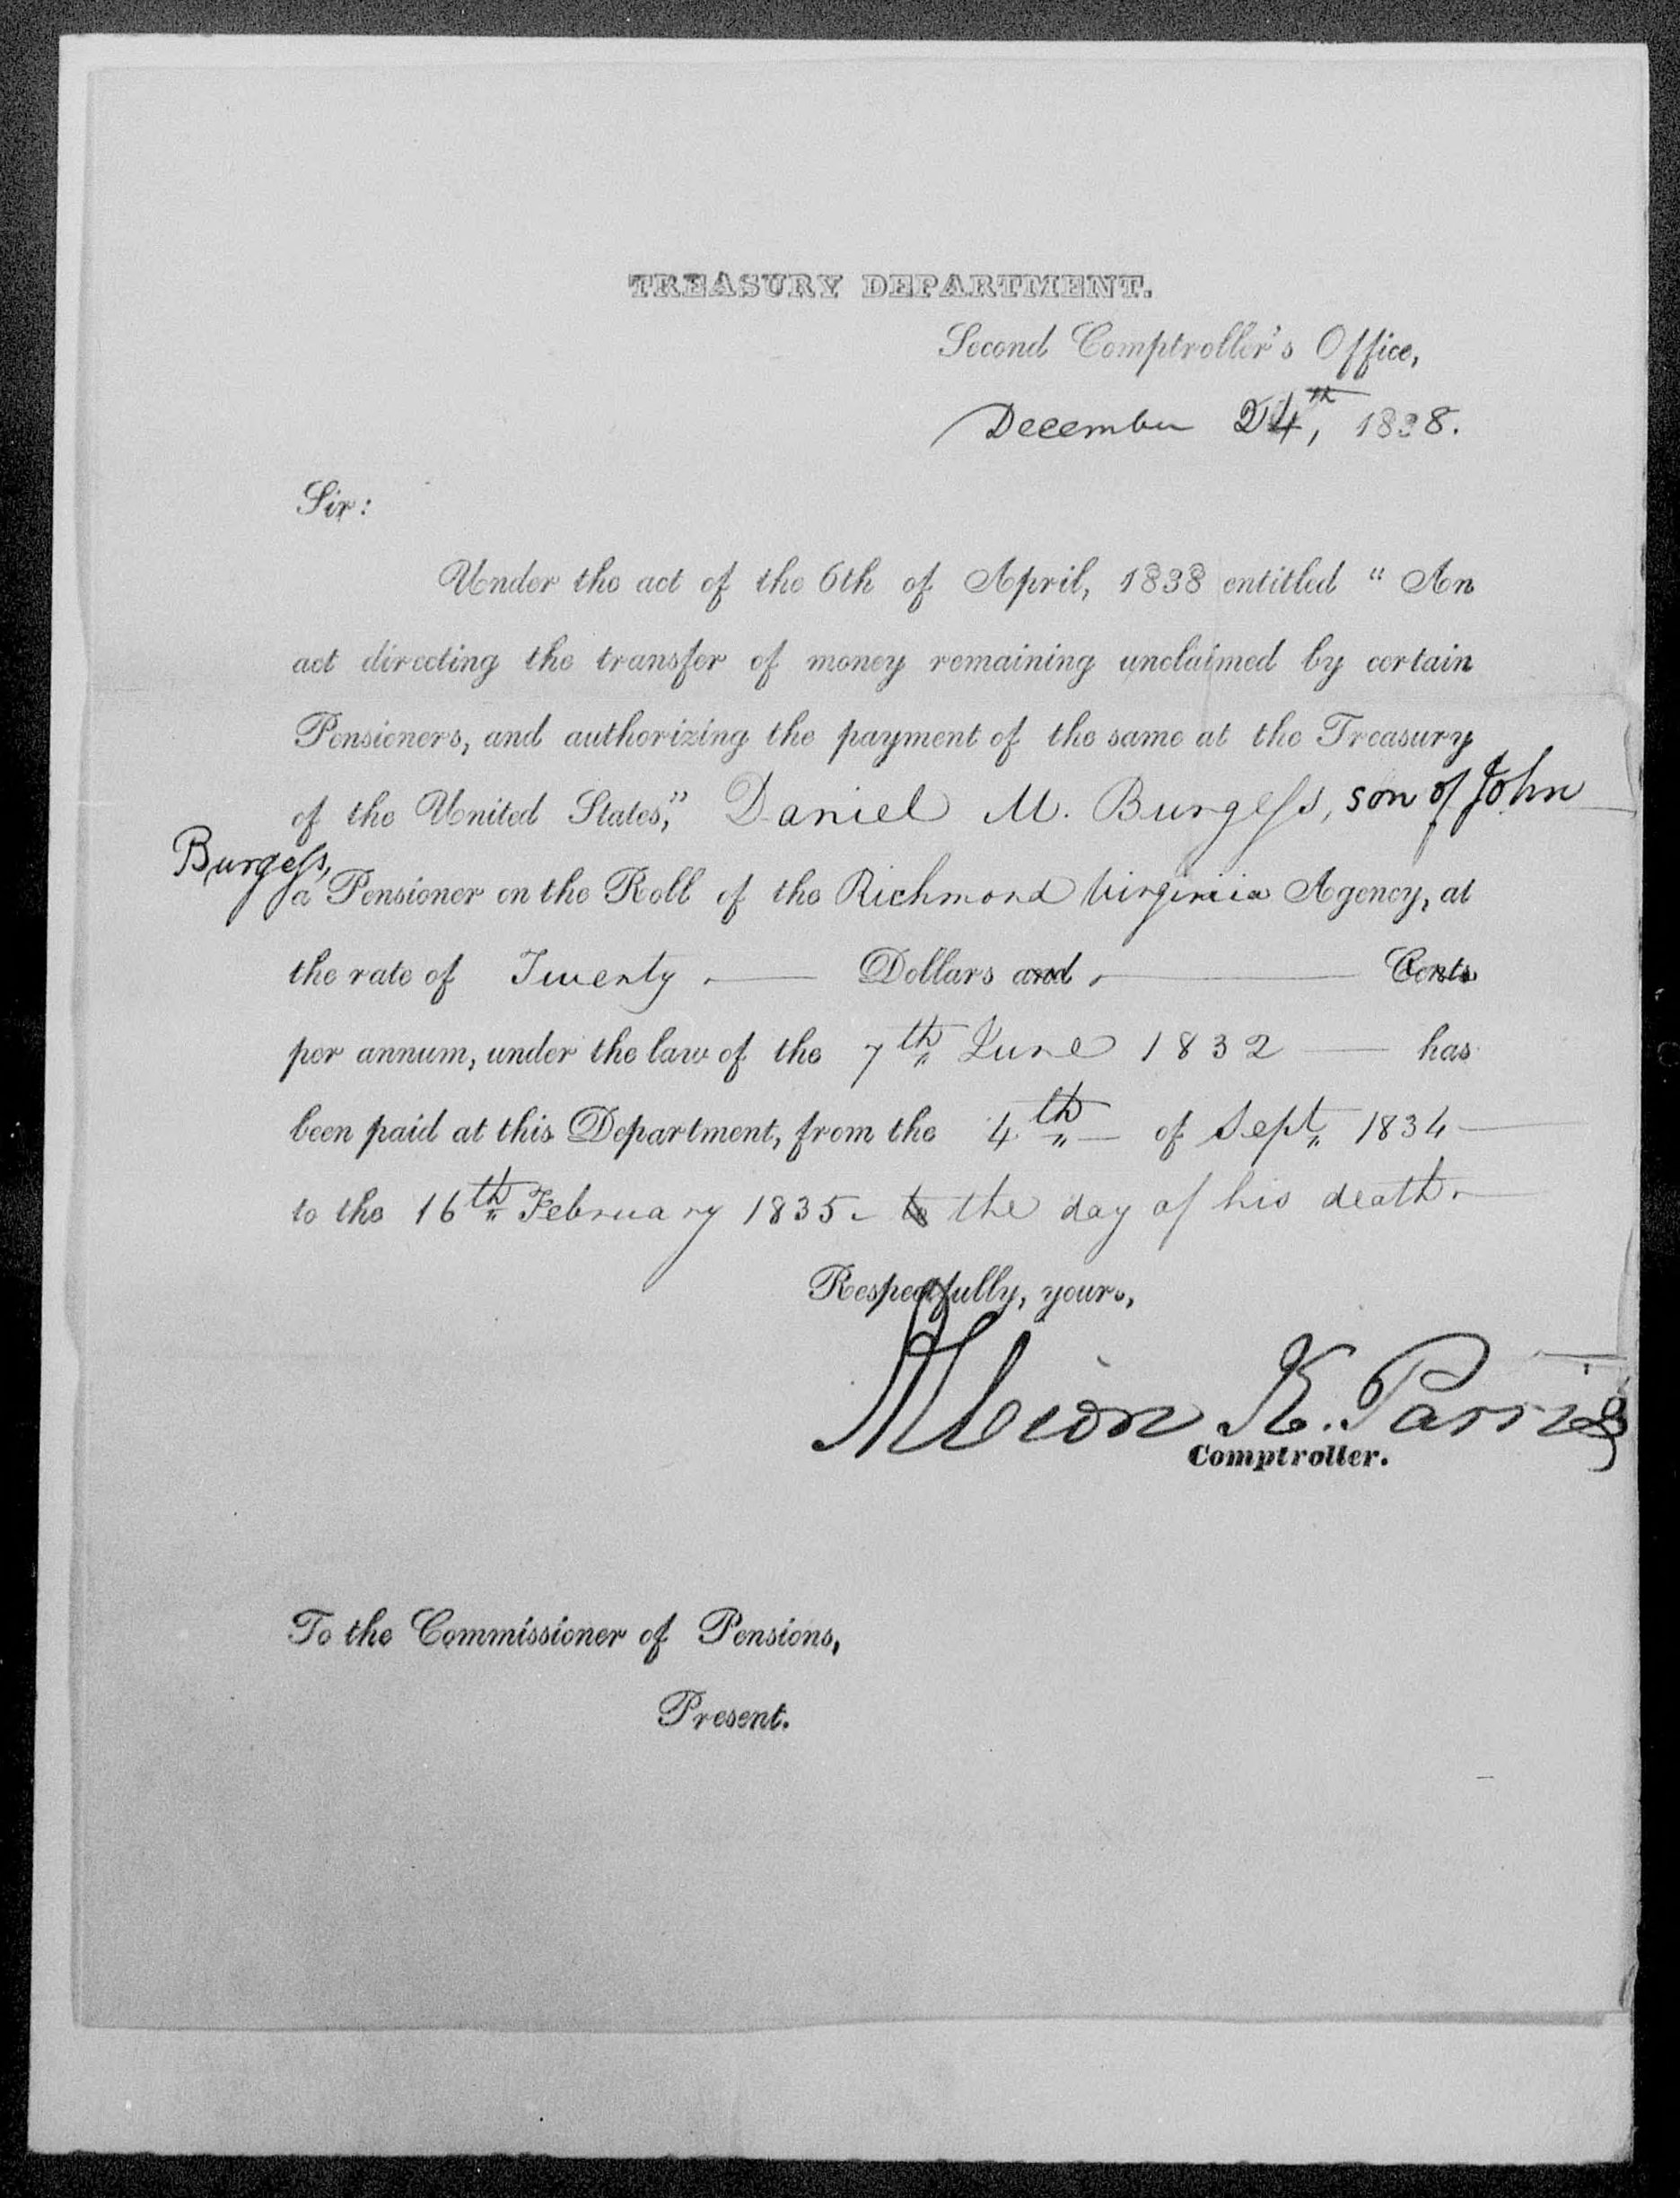Treasury Department
Second Comptroller's Office
December 24th, 1838
Sir:
Under the act of the 6th of April, 1838 entitles "An act directing the transfer of money remaining unclaimed by certain Pensioners, and authorizing the payment of the same at the Treasury of the United States," Daniel M Burgess, son of John Burgess, a Pensioner in the Roll of the Richmond Virginia Agency at the rate of Twenty Dollars and ______ cents per annum, under the law of the 7th June 1832 has been paid at this Department, from the 4th of Sept. 1834 to the 16th February 1835 to [cross out] the day of his death. 
Respectfully yours,
Albion K. Parris
To the Commissioner of Pensions,
Present.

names: John Burgess, Albion K Parris, Daniel M Burgess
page: 4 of 16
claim: survivor's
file: S. 8113, John Burgess, Va.